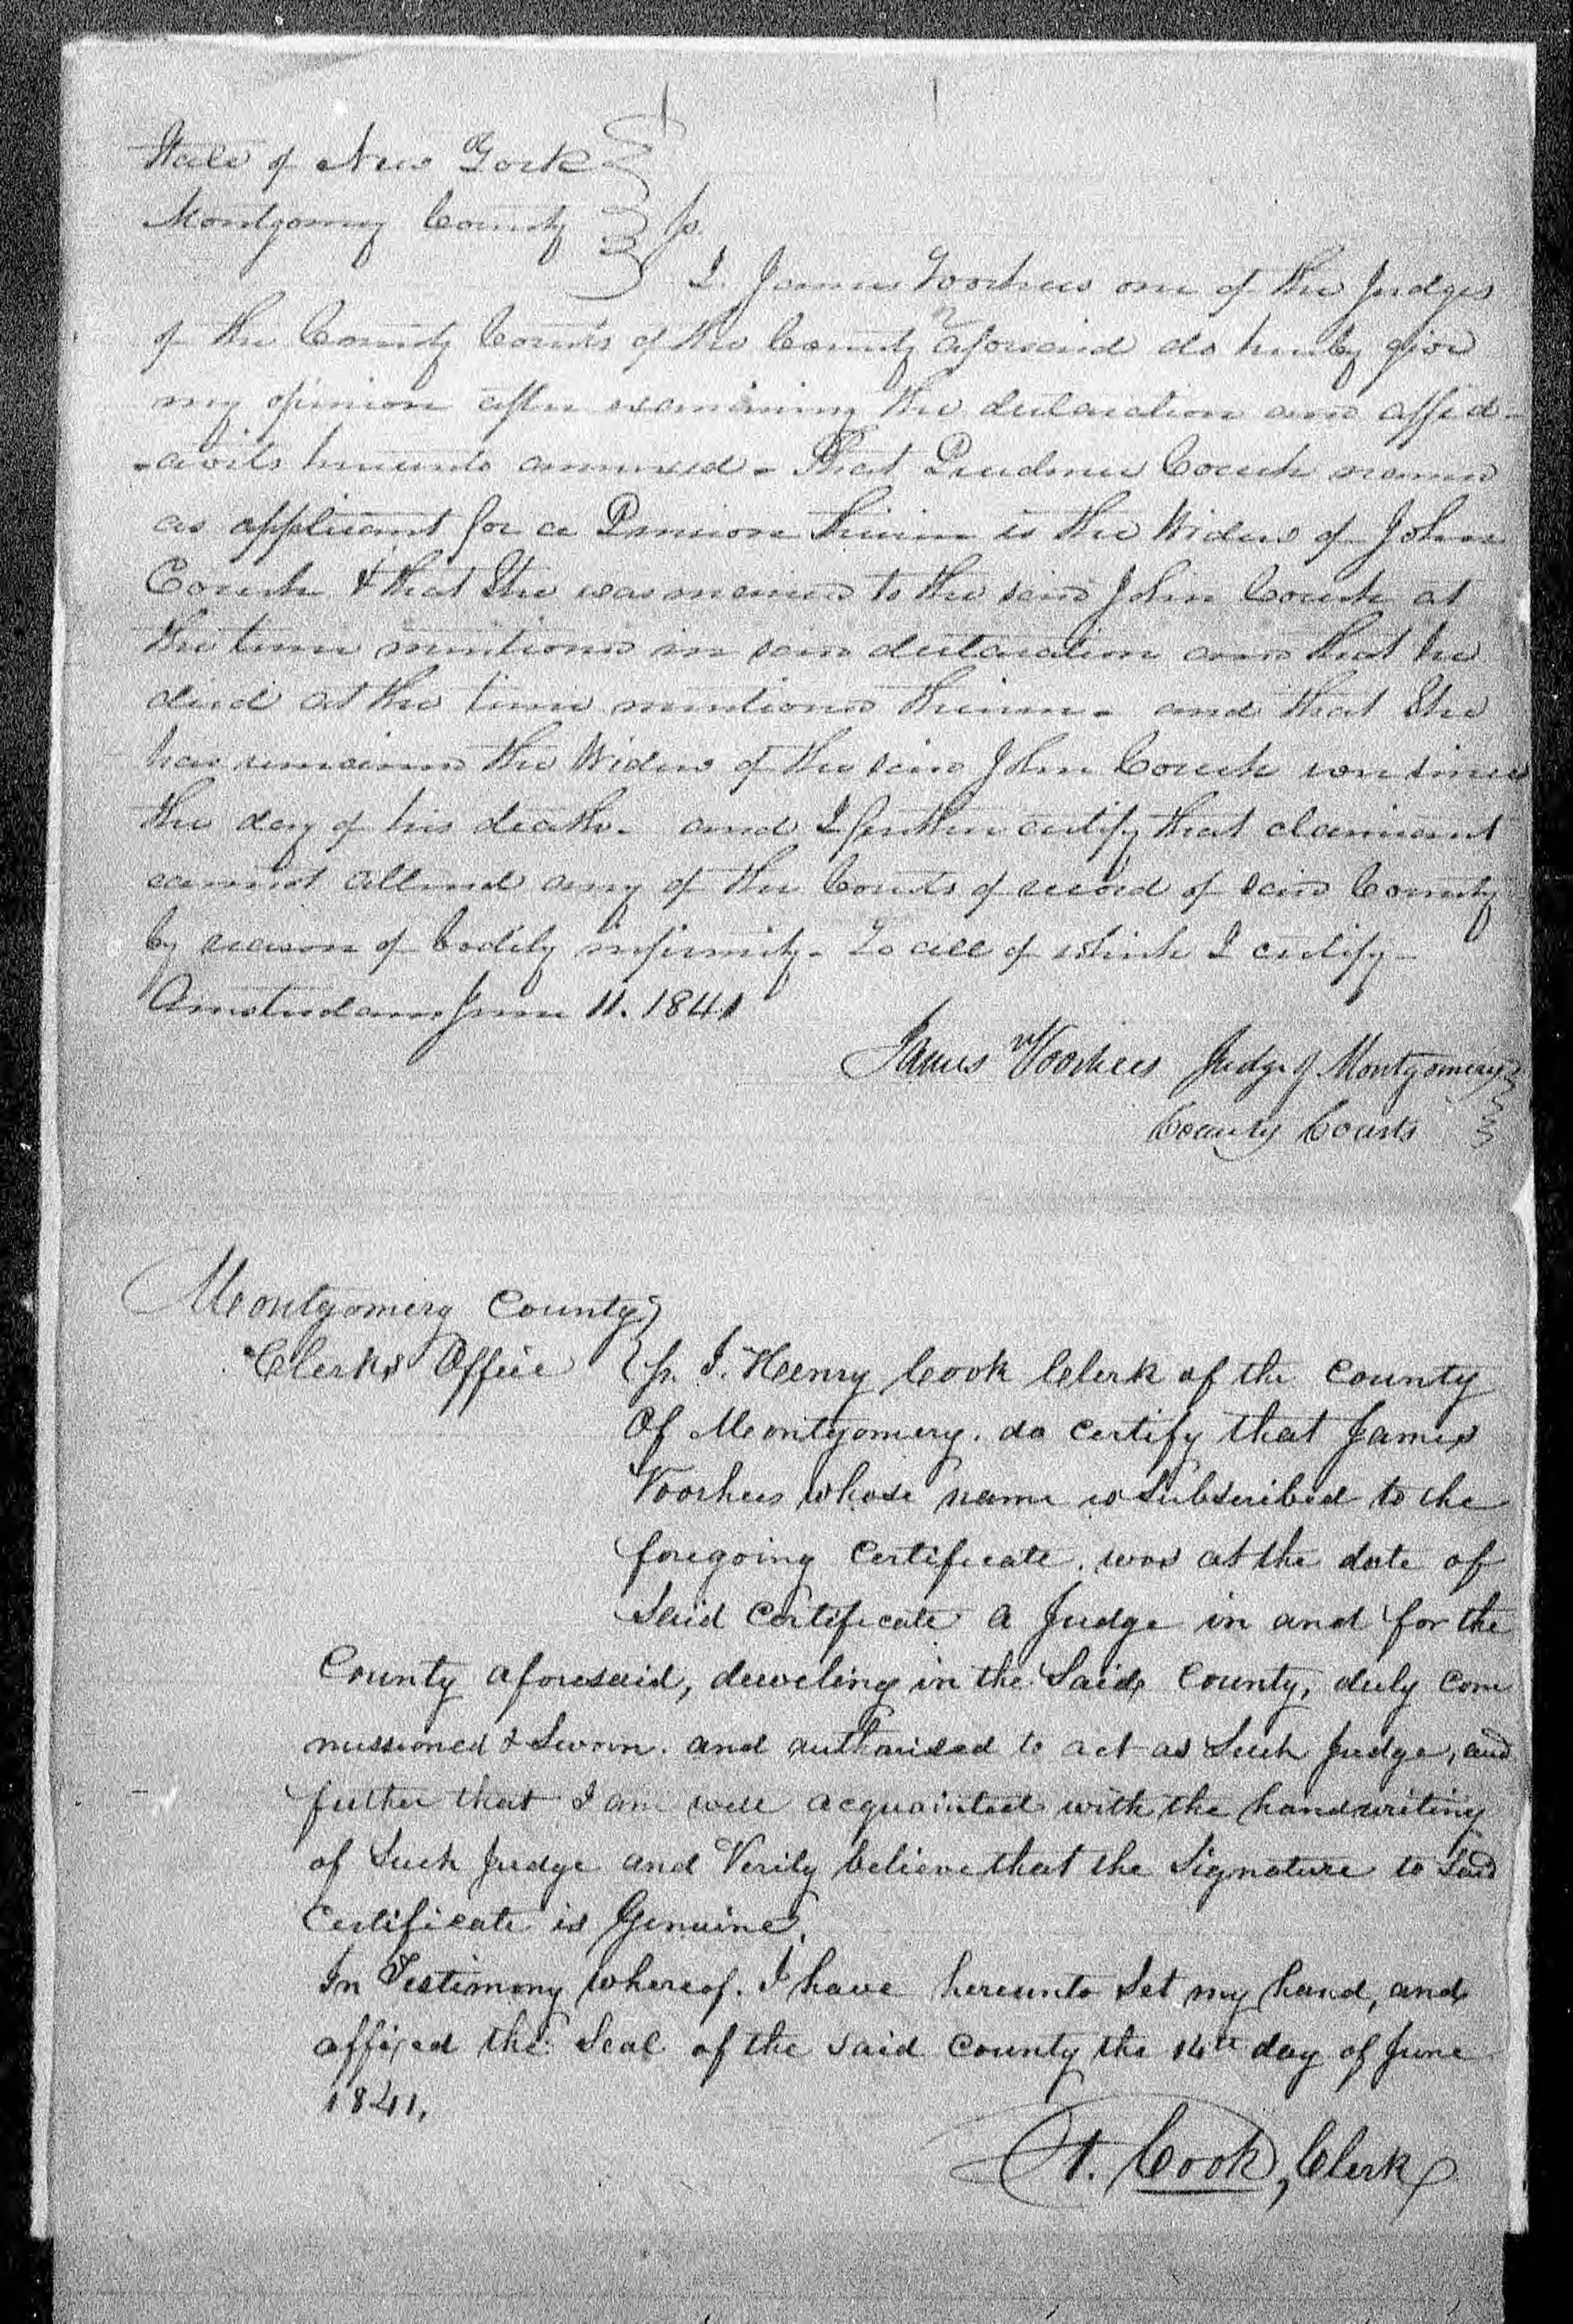State of New York
Montgomery County} ss.
I, James Voorhees, one of the Judges of the County Courts of the County aforesaid do hereby  give my opinion after examining the declaration and affidavits hereunto annexed. That Prudence Couch named as applicant for a pension herein is the widow of John Couch & that she was married to the said John Couch at the time mentioned in said declaration and that he died at the time mentioned therein and that she has remained the widow of the said John Couch ever since the day of his death, and I further certify that claimant cannot attend any of the Courts of record of said County by reason of bodily infirmity. To all of [unk] I certify. Amsterdam June 11, 1841
James Voorhees Judge of Montgomery County Courts

Montgomery County Clerk's Office} ss. I, Henry Cook, Clerk of the County of Montgomery, do certify that James Voorhees whose name is subscribed to the foregoing certificate, a Judge in and for the County aforesaid, dwelling in the said County, duly commissioned & sworn, and authorized to act as such Judge, and further that I am well acquainted with the handwriting of such Judge and verily believe that the signature to said certificate is genuine.
In Testimony whereof, I have hereunto set my hand, and affixed the seal of the said County the 14th day of June 1841.
H. Cook, Clerk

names: John Couch, James Voorhees, H Cook, John Couch, James Voorhees, John Couch, Prudence Couch, James Voorhees, Henry Cook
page: 21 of 68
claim: rejected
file: R. 2,360, John Couch, Conn.